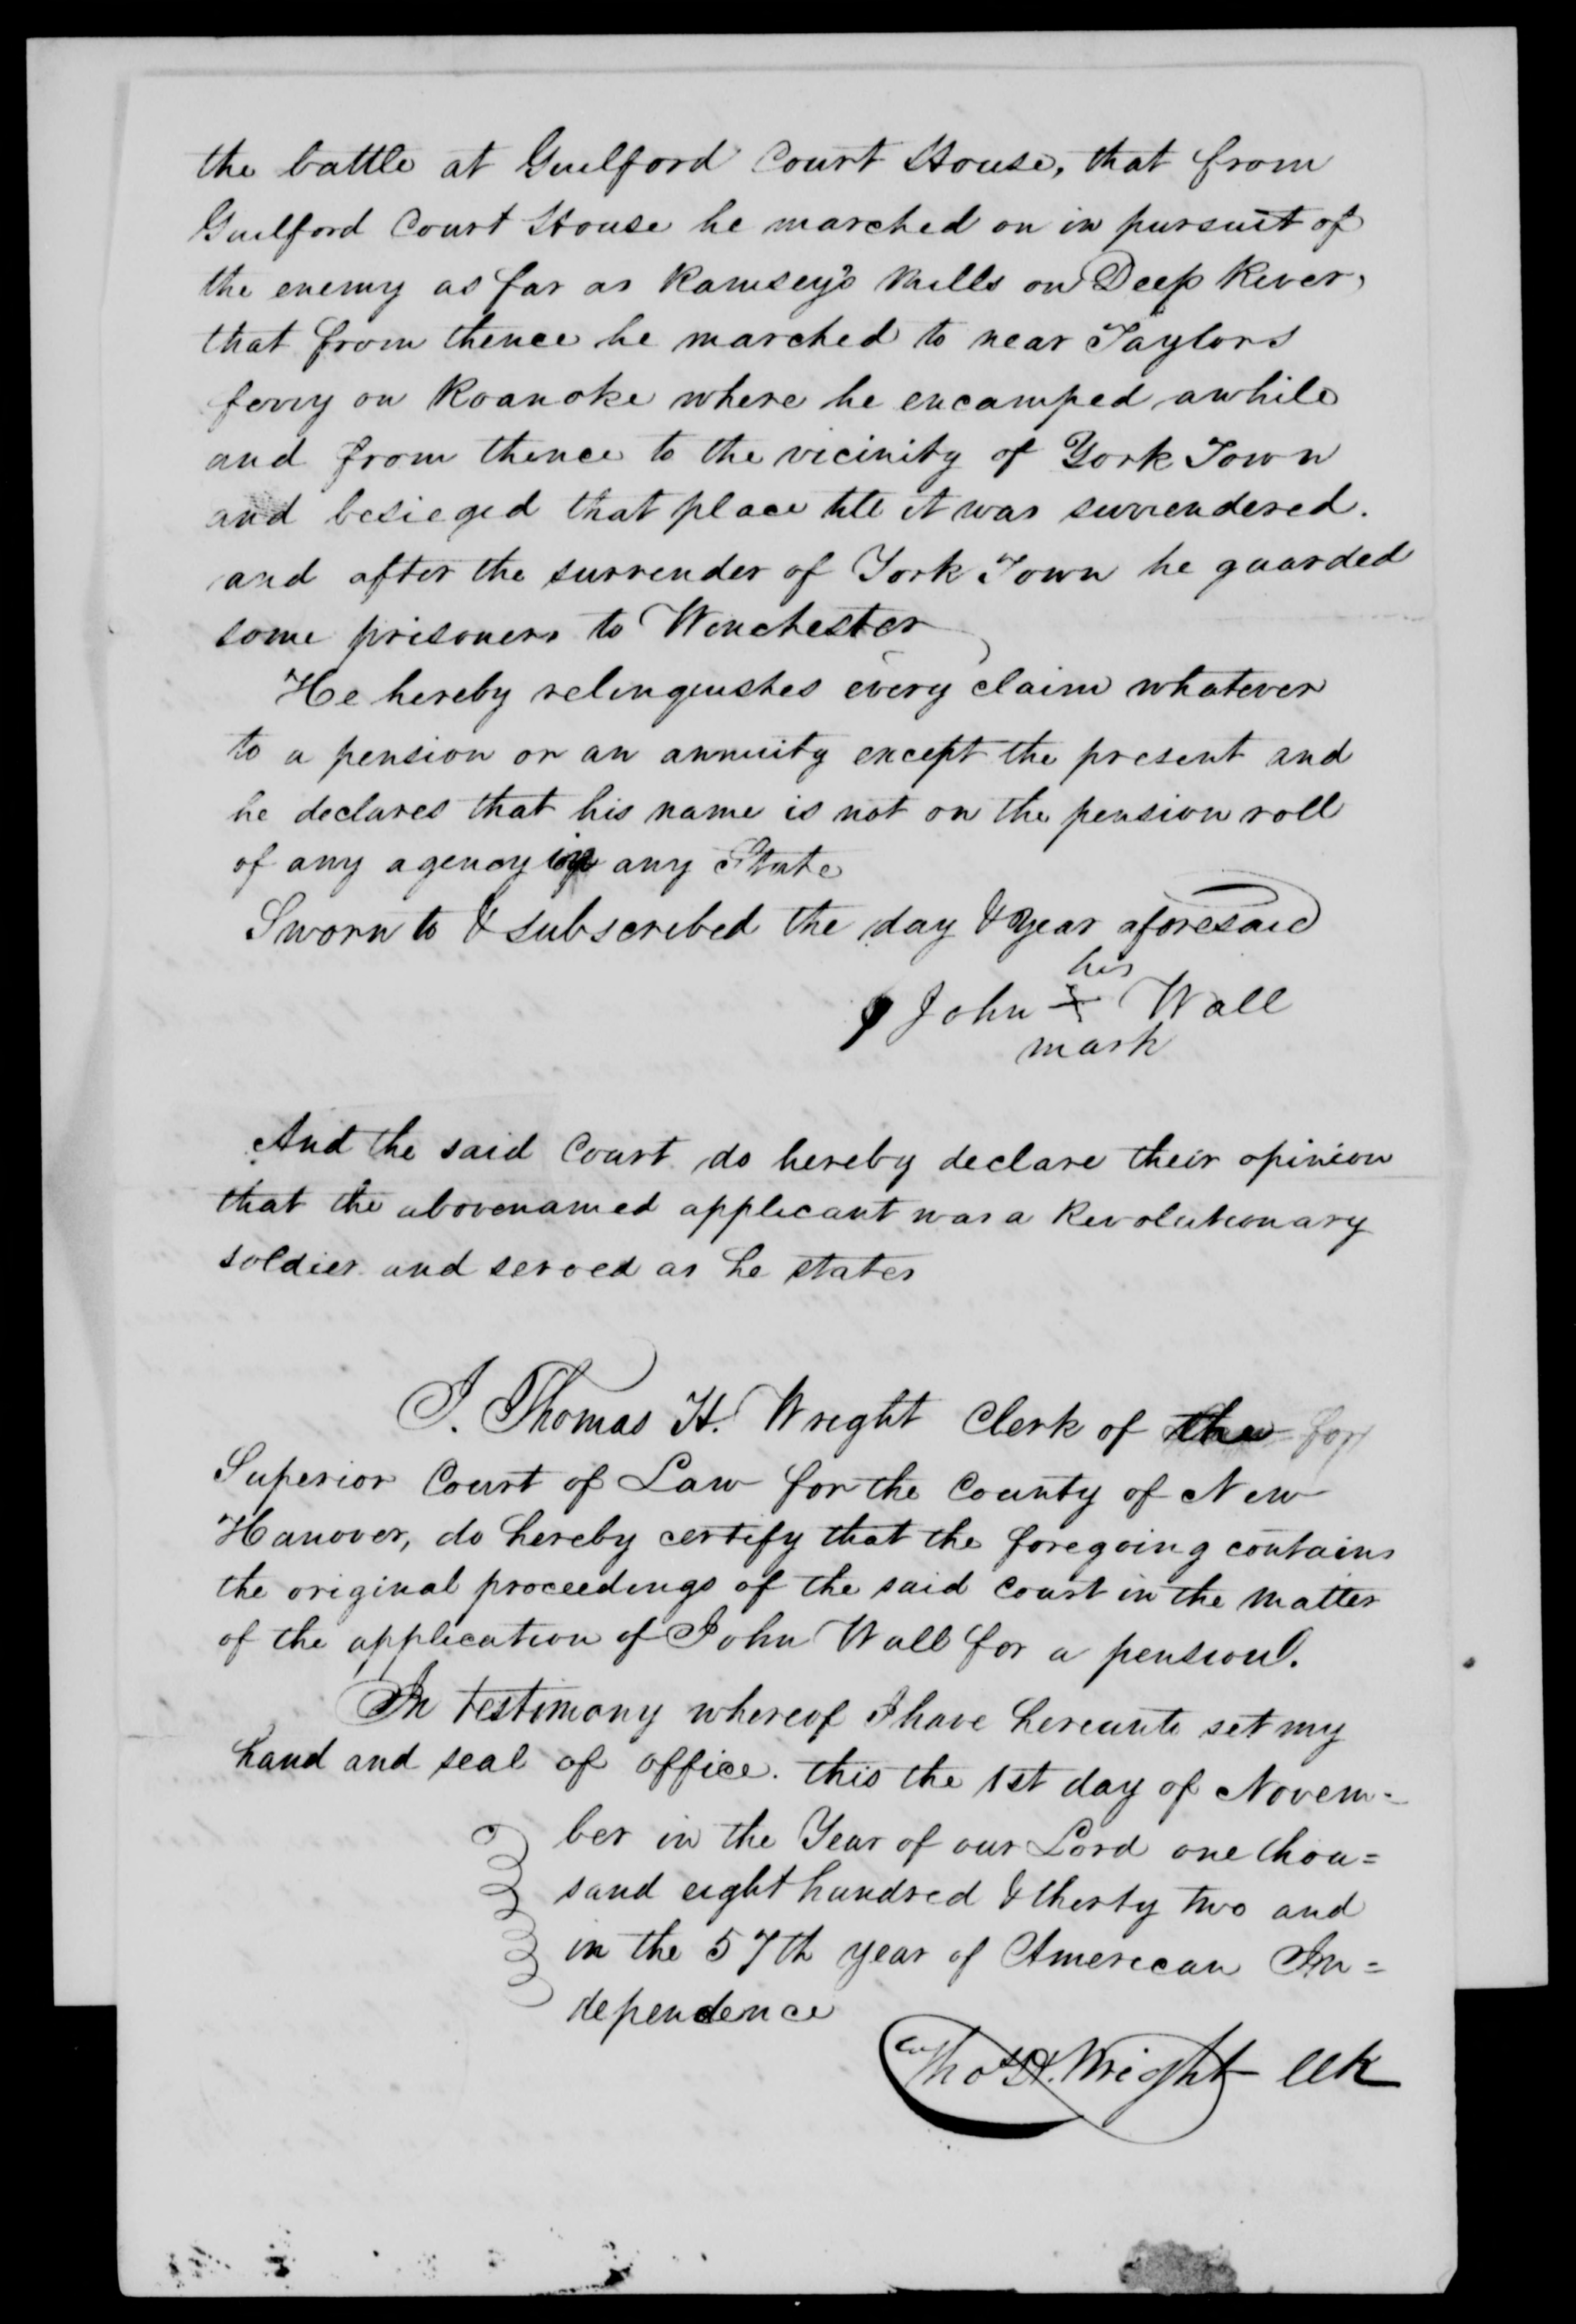the battle at Guilford Court House, that from Guilford Court House he marched on in pursuit of the enemy as far as Ramsey's mills on Deep River, that from thence he marched to near Taylors ferry on Roanoke where he encamped awhile and from thence to the vicinity of York Town and besieged that place till it was surrendered. and after the surrender of York Town he guarded some prisoners to Winchester.
He hereby relinquishes every claim whatever to a pension or an annuity except the present and he declared that his name is not on the pension roll of any agency in any State.
Sworn to & subscribed the day & year aforesaid

John Wall his mark
And the said Court do hereby declare their opinion that the above named applicant was a Revolutionary soldier and served as he states
I Thomas H. Wright Clerk of the Superior Court of Law for the County of New Hanover, do hereby certify that the foregoing contains the original proceedings of the said Court in the matter of the application of John Wall for a pension.
In testimony whereof I have hereunto set my hand and seal of office this the 1st day of November in the year of our Lord one thousand eight hundred & thirty two and in the 57th year of American Independence
Thos & Wright Clk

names: Taylors, Thos H Wright, John Wall, John Wall, Thomas H Wright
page: 4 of 11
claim: rejected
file: R. 11089, John Wall, Va.